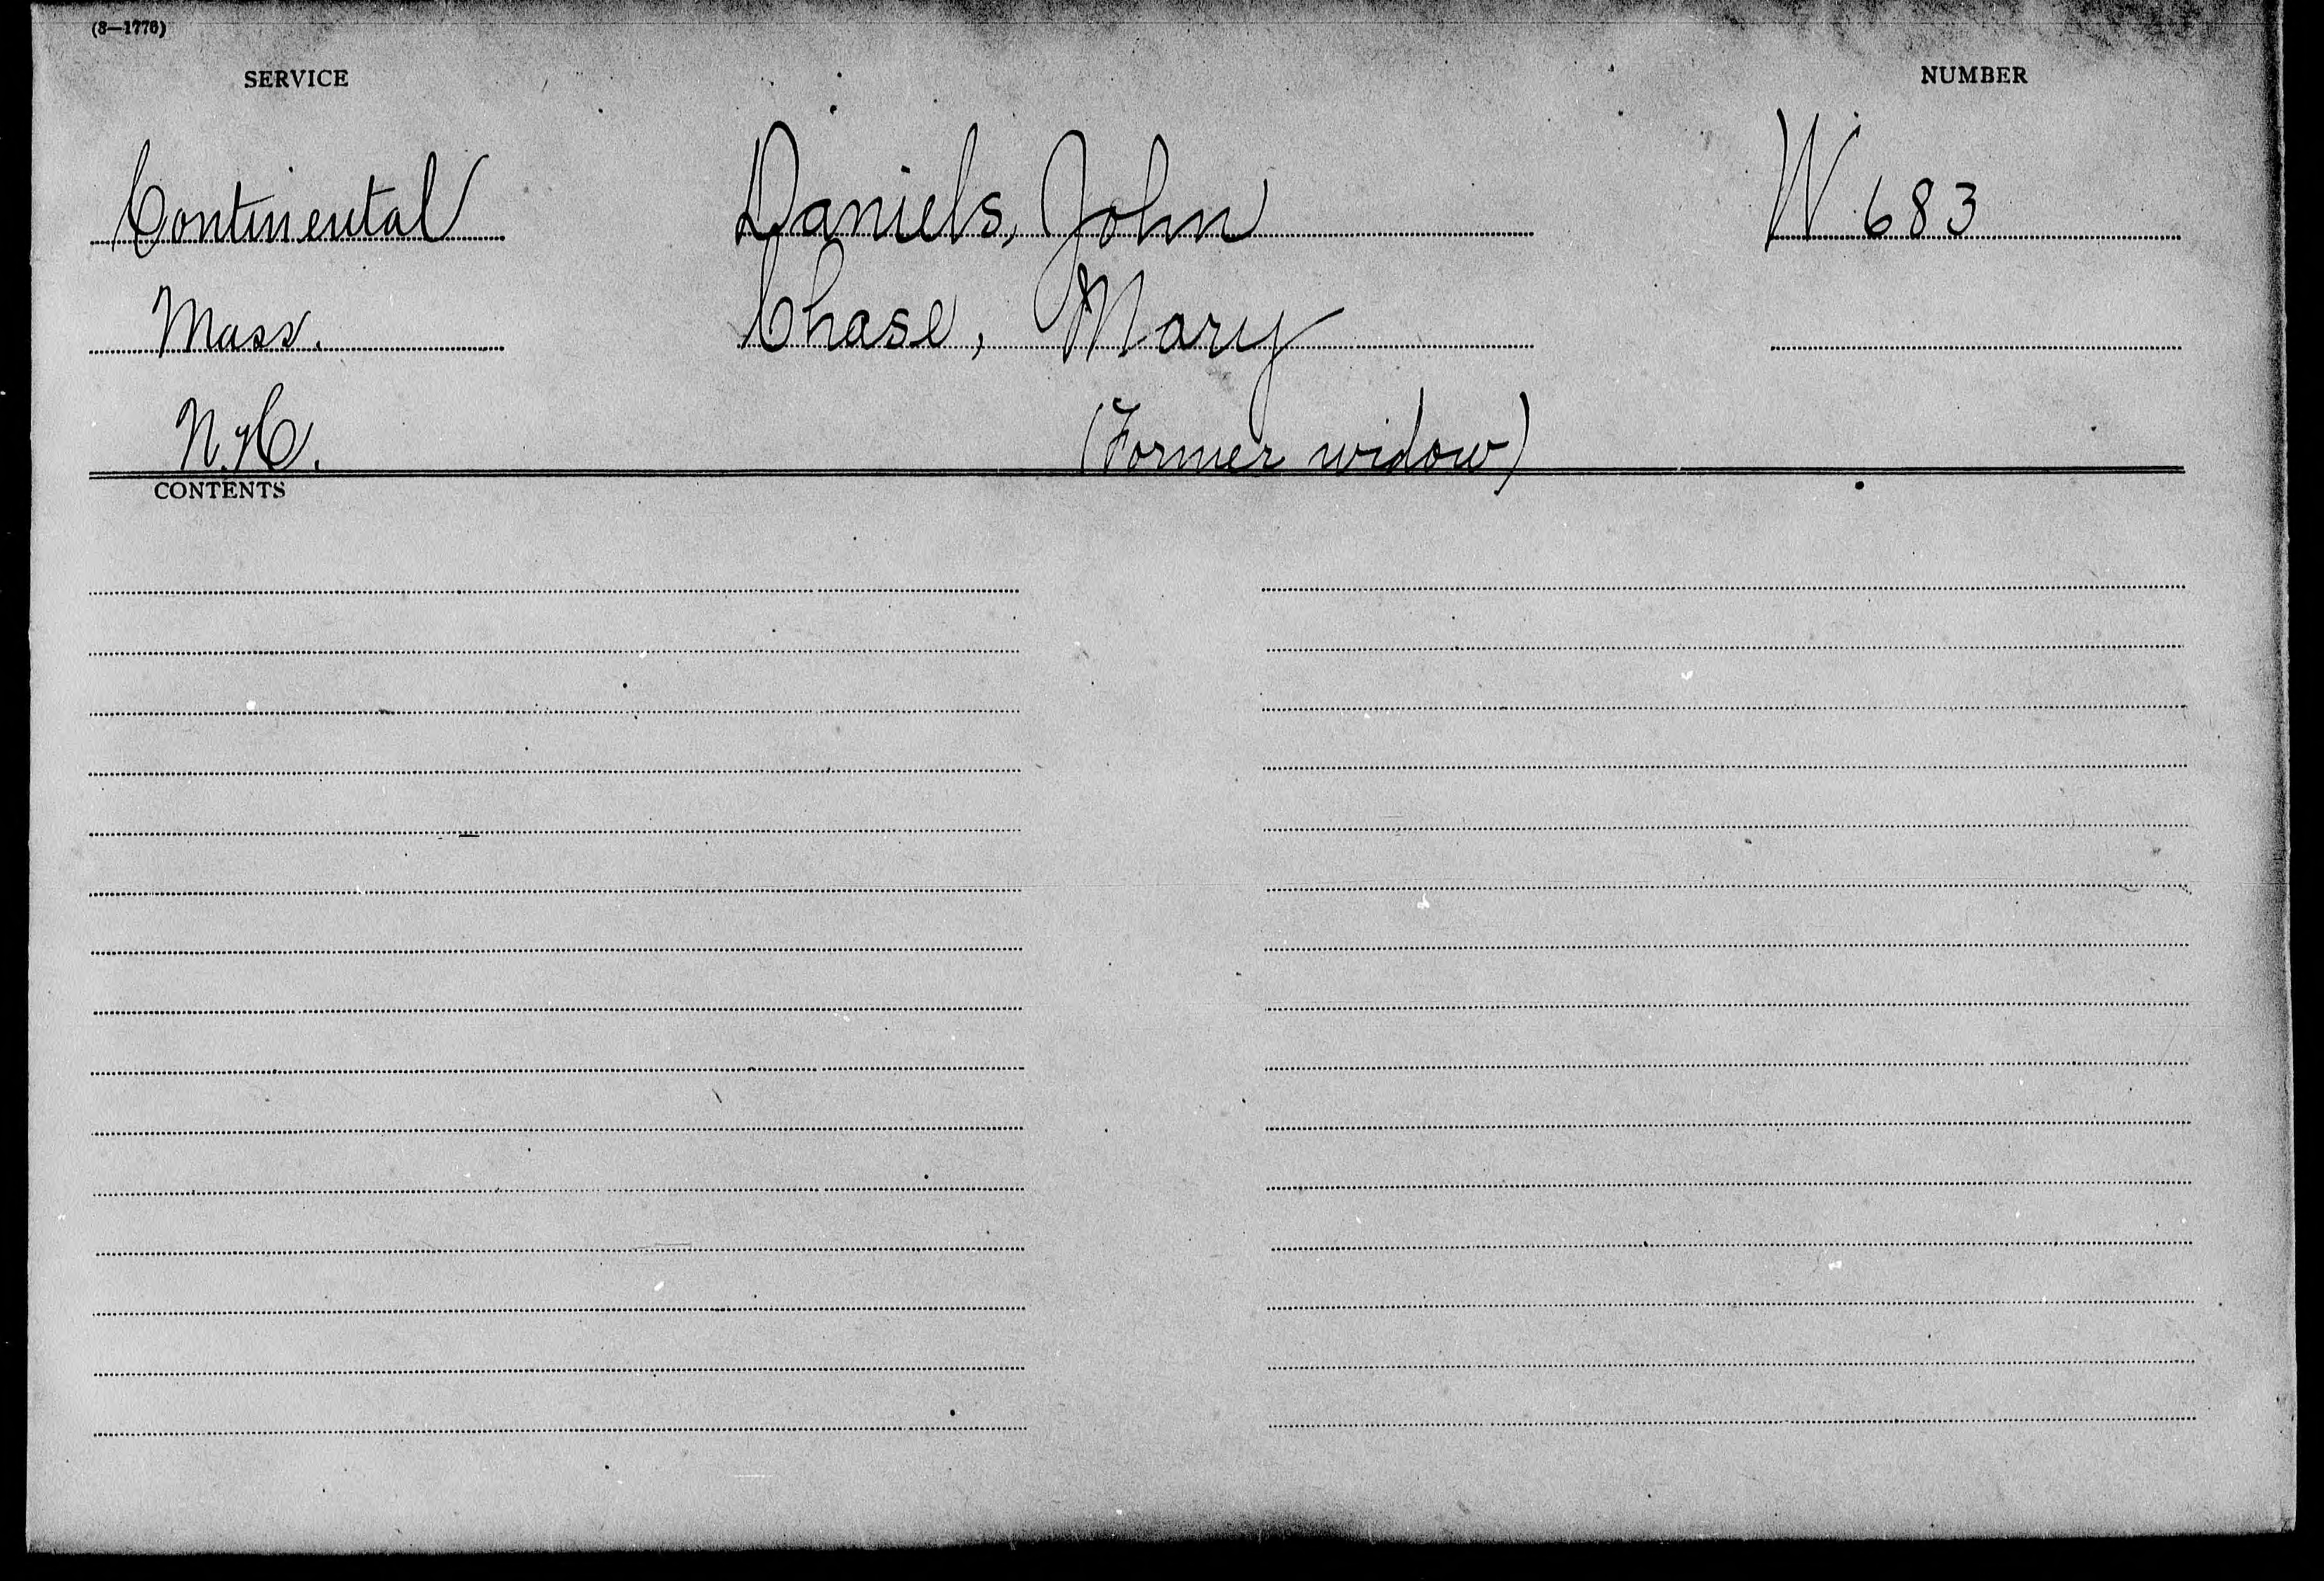Service:  Continental
Mass.
N.H.

Daniels, John
Chase, Mary (former widow) 

Number:  W 683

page: 1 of 43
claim: widow's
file: W 683, John Daniels, Continental Mass. N.H.